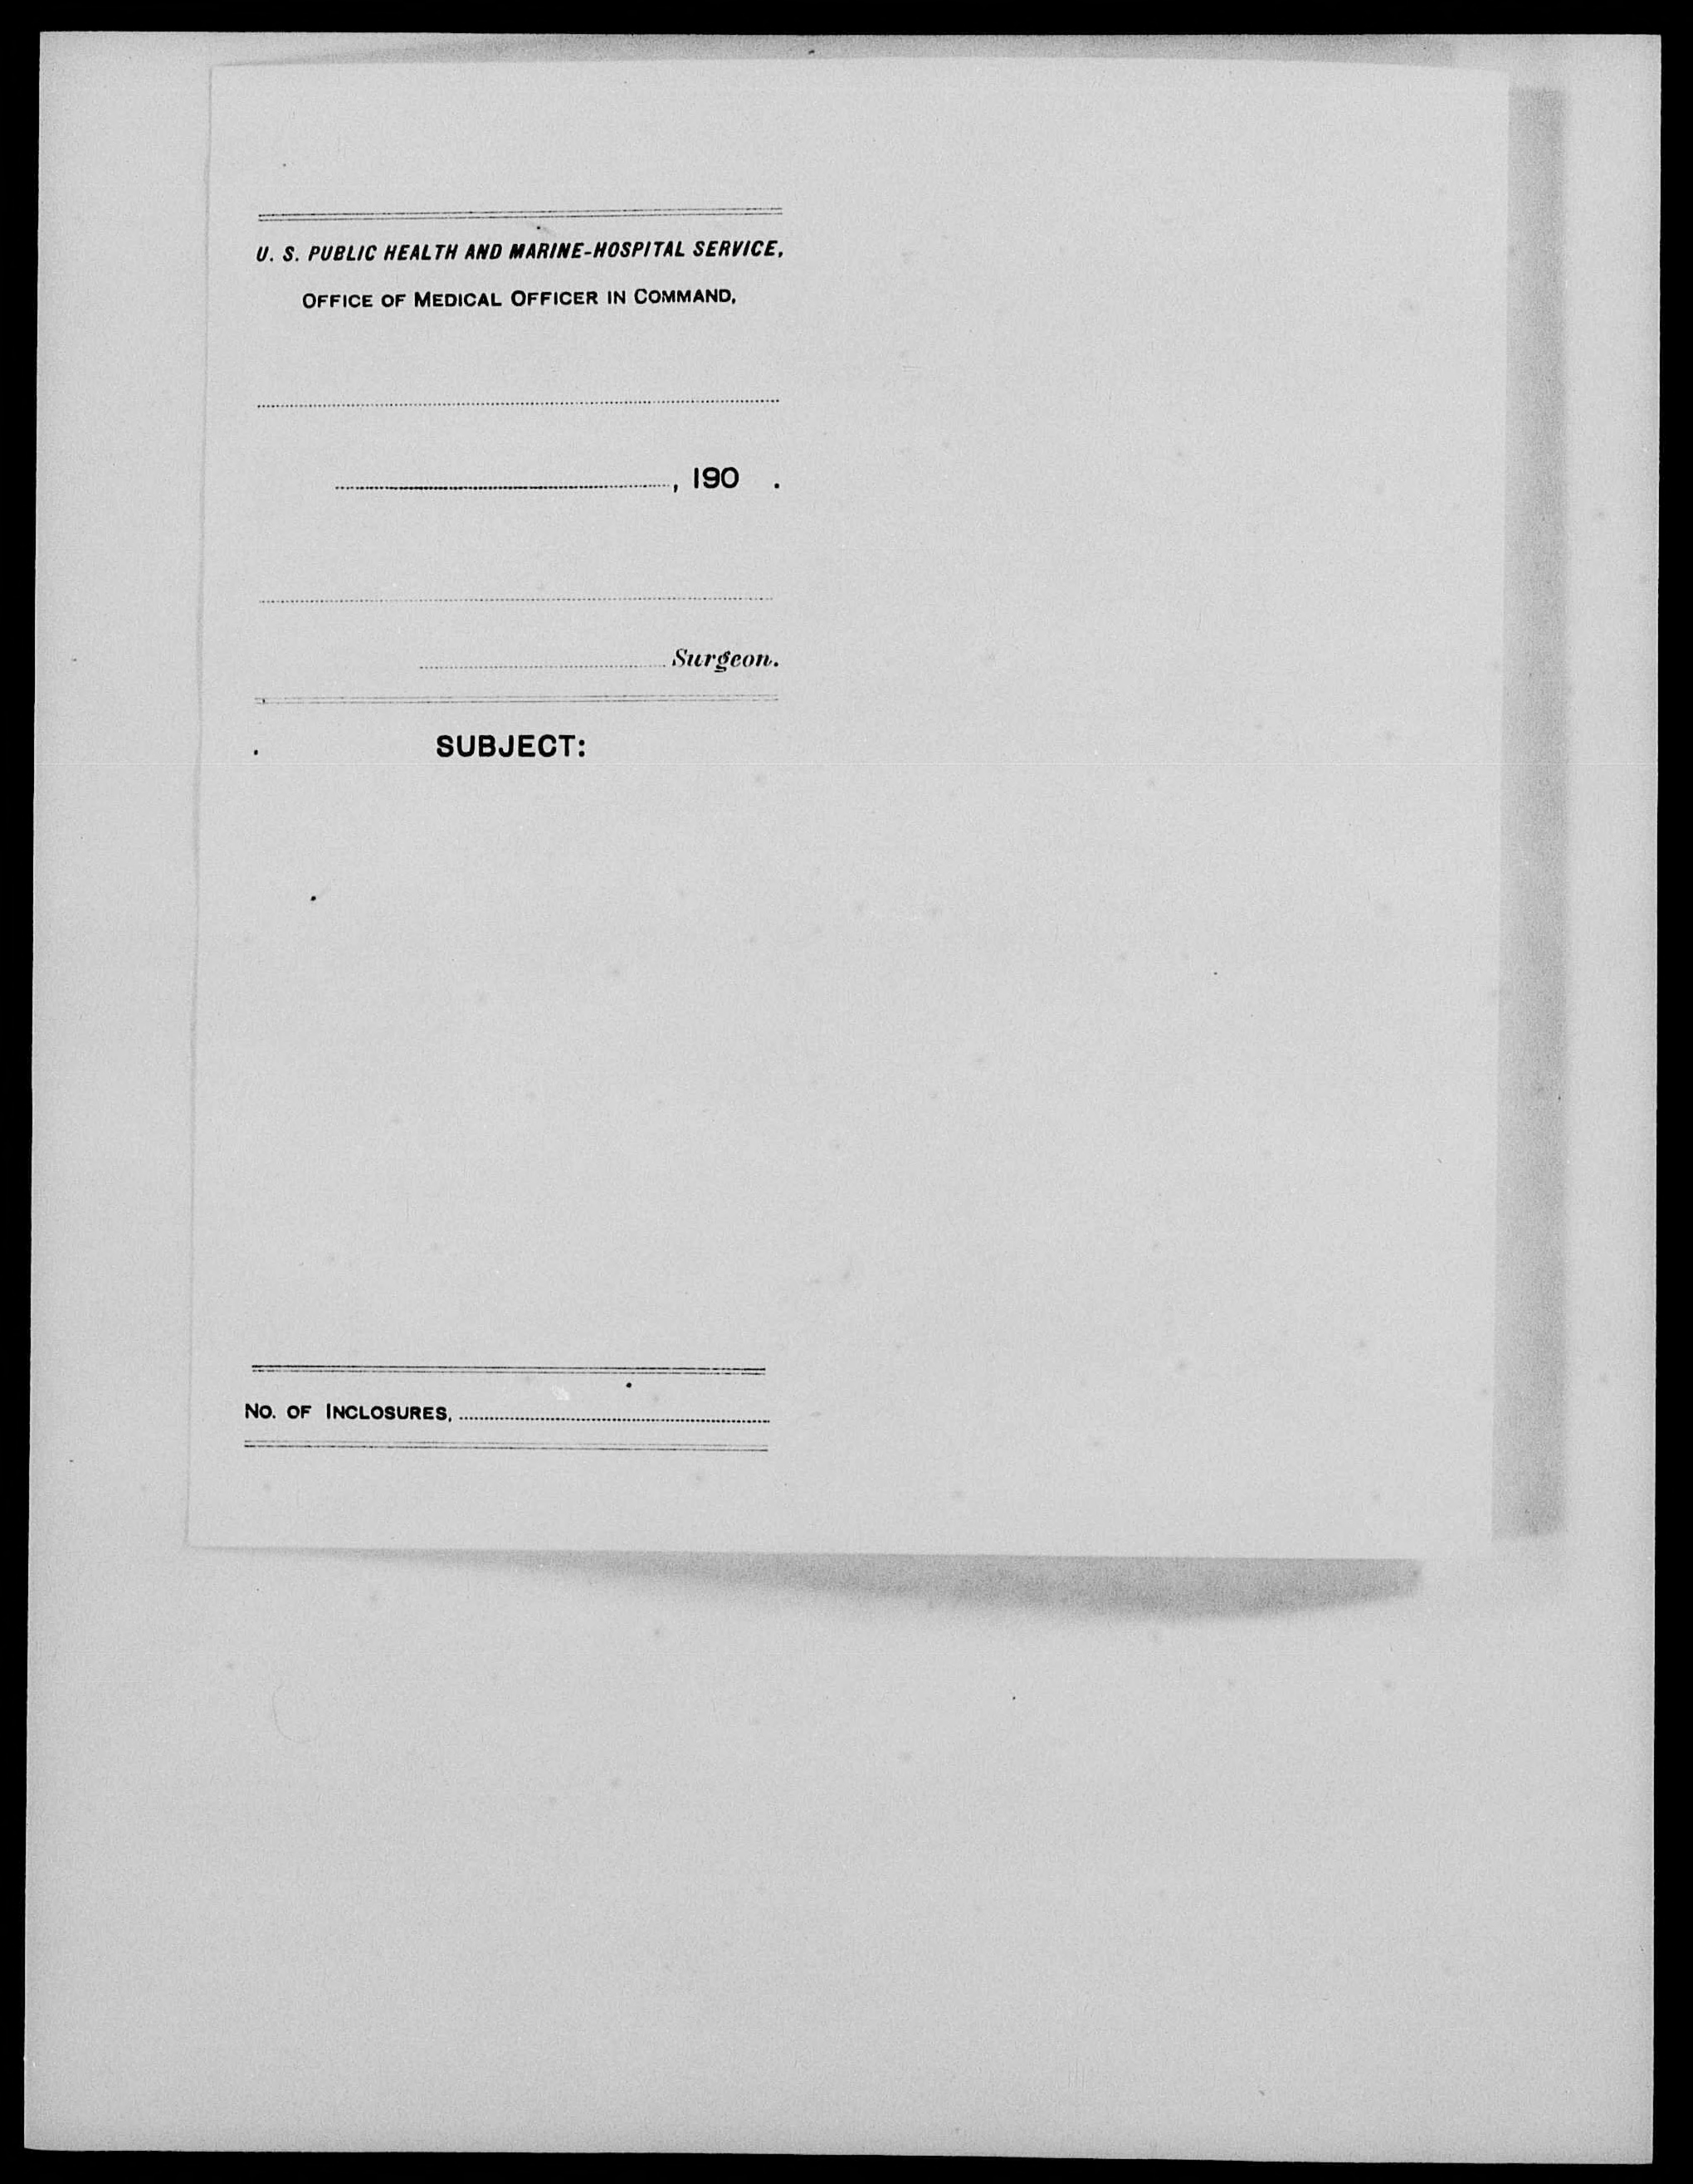[blank form]

U. S. PUBLIC HEALTH AND MARINE-HOSPITAL SERVICE.

Office of Medical Officer in Command.

_______________________, 190 .

________________________ Surgeon.

SUBJECT:

No. of Inclosures.. ____________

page: 69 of 70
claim: rejected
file: R. 6510, for Israel Luce, New York